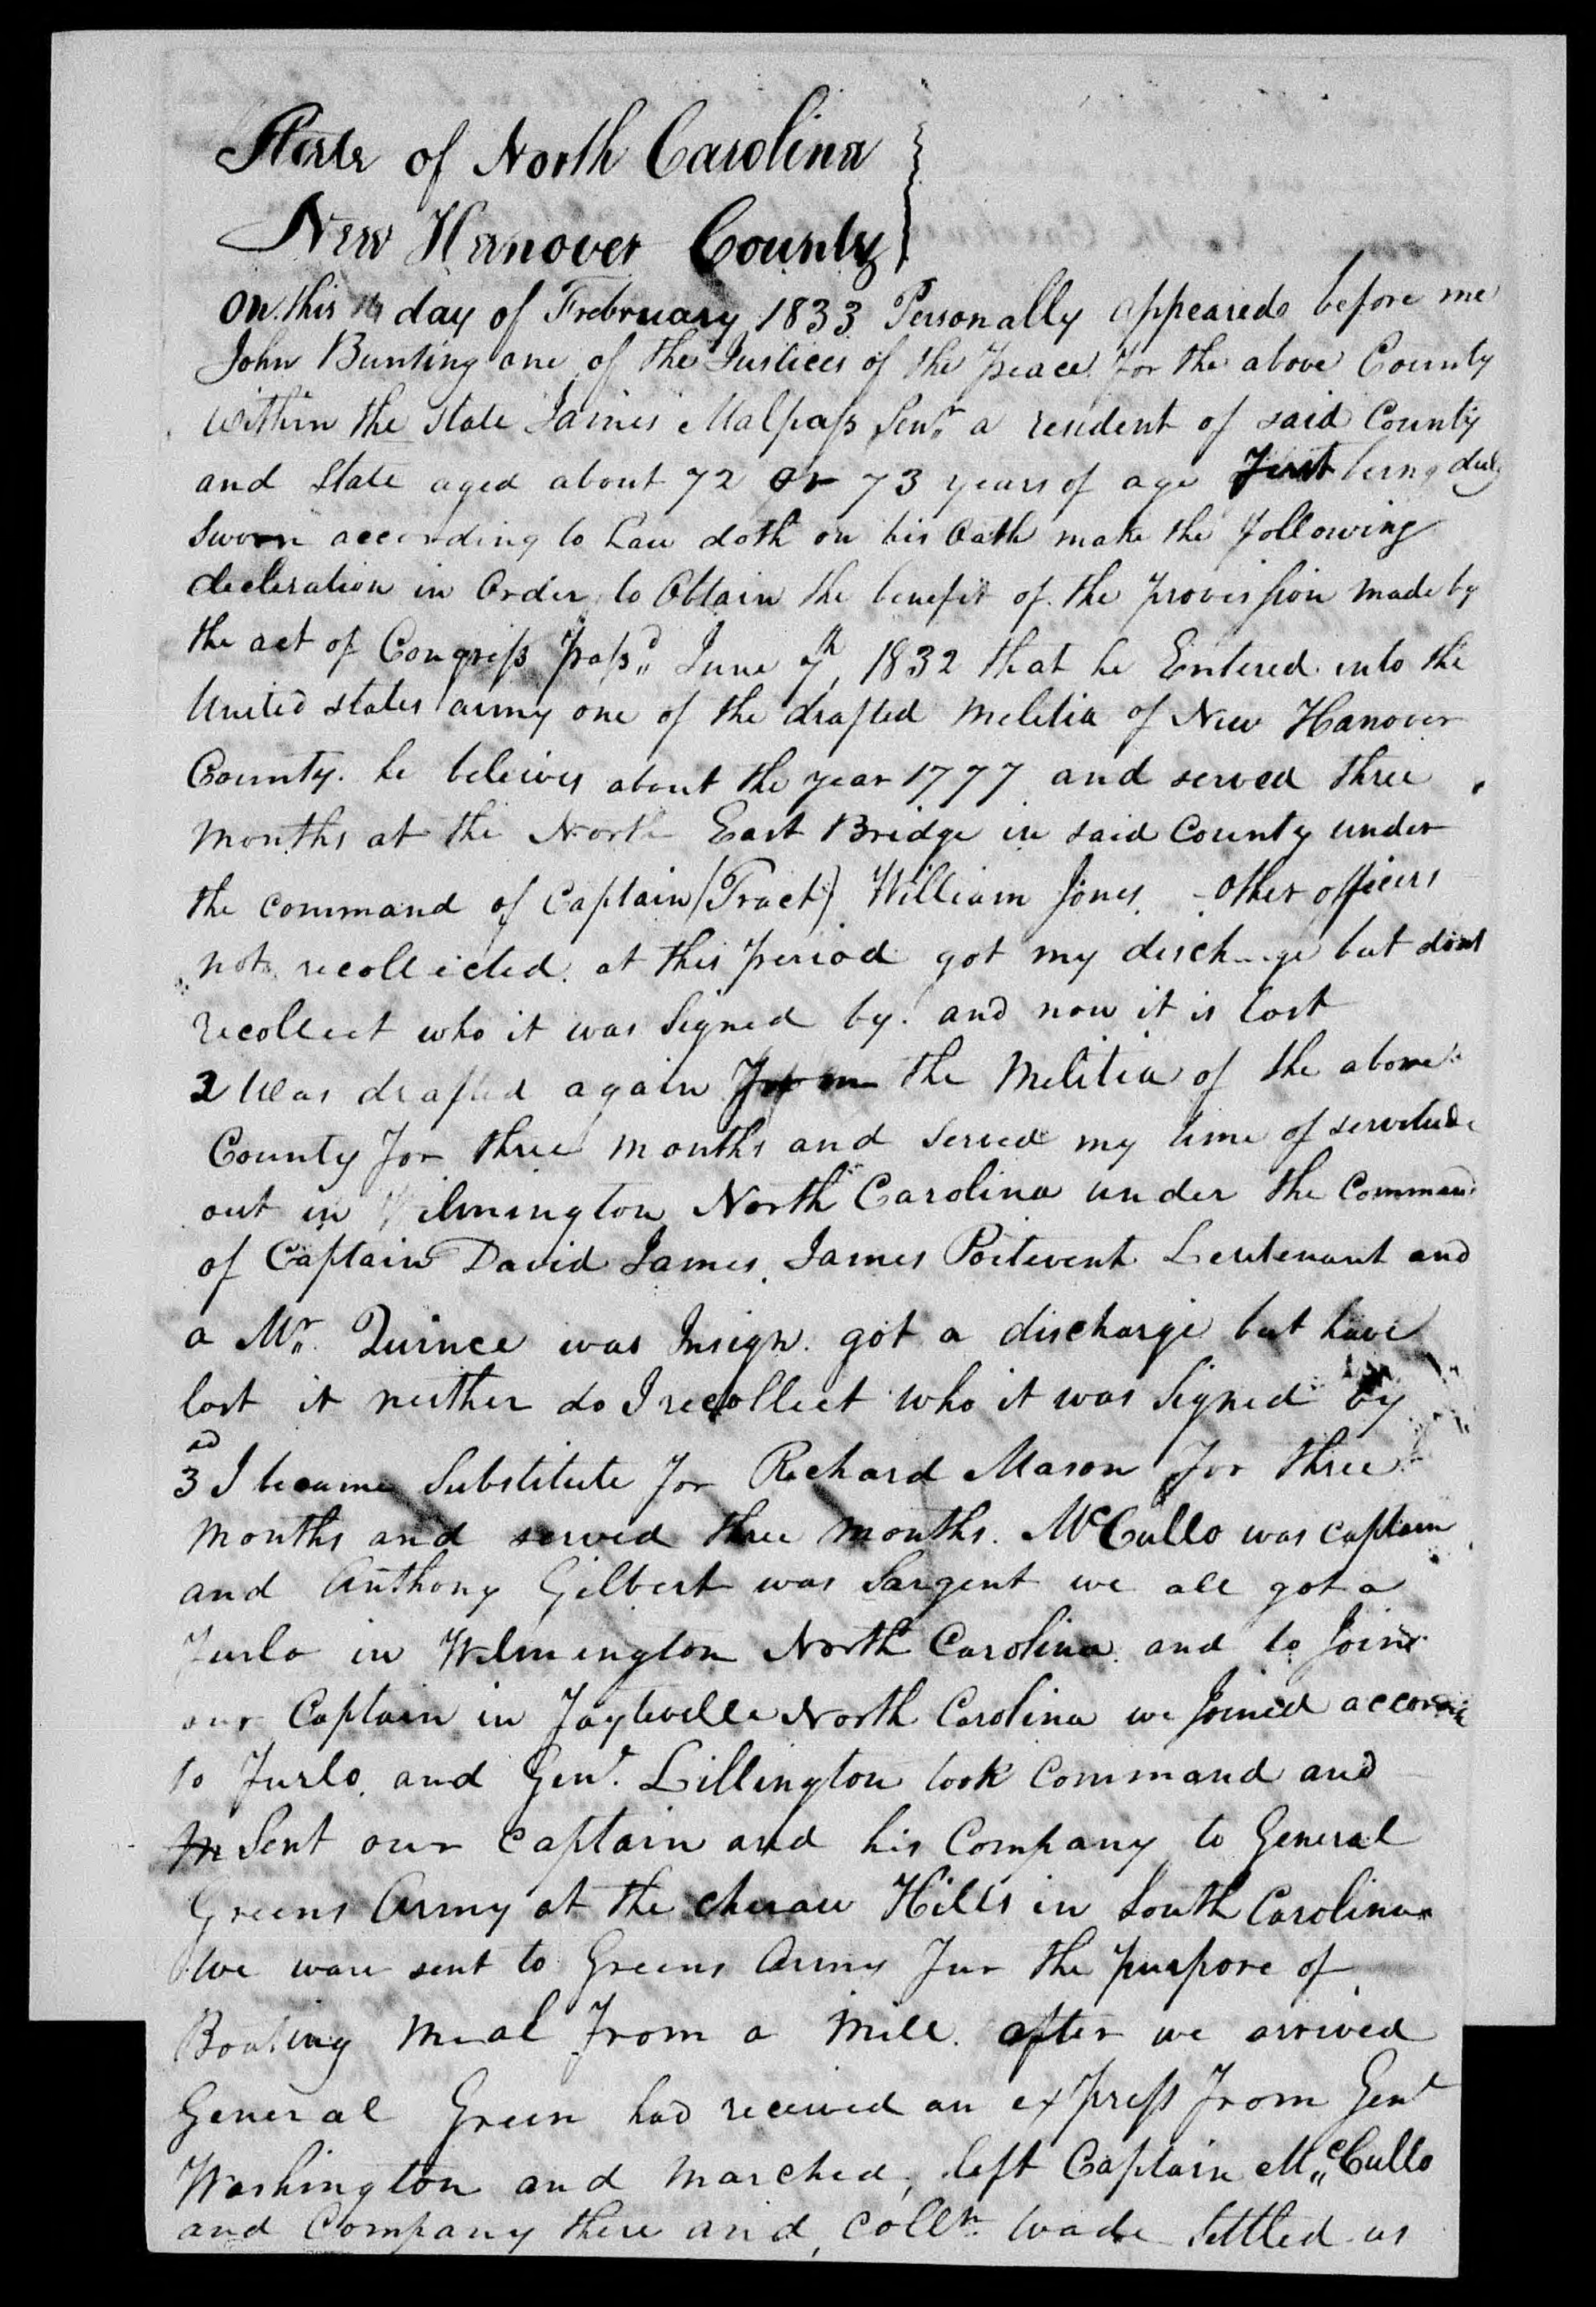State of North Carolina'
New Hanover County
On this 16 day of February 1833.  Personally appeared before me John Bunting one of the Justices of the Peace for the above County within the State James Malpass, Senr. a resident of said County and State aged about 72 or 73 years of age. First being duly Sworn according to Law doth on his oath make the following declaration in Order to Obtain the benefit of the provision made by the act of Congress passed June 7th, 1832, that he Entered into the  United States Army one of the drafted Militia of New Hanover County, he believes about the year 1777 and served three Months at the North East Bridge in said County under the command of Captain {Tract} William Jones.  Other officers not recollected at this period got my discharge but doesn't recollect who it was signed by, and now it is lost.
2.  I was drafted again for one of the Militia of the above County for three months and served my time of servitude out in Wilmington North Carolina under the Command of Captain David James, James Poitevent, Lieutenant and a Mr. Quince was Insign.  got a discharge but have lost it neither do I recollect who it was signed by.
3.  I became a substitute for Richard Mason for three months and served three months.  McCullo was captain and Anthony Gilbert was Sargent.  We all got a furlo in Wilmington North Carolina, and to join our Captain in Fayetteville North Carolina we joined according to furlo, and Genl. Lillington took Command and sent our Captain and his company to General Greens Army at the Cheraw Hills in South Carolina.  We was sent to Greens Army for the purpose of Bountiny Meal from a Mill.  After we arrived General Green had received an express from Genl. Washington and marched, left Captain McCullo and Company there and Coll Wade.  Settled as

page: 5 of 9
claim: survivor's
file: S. 9,399, for James Malpass, North Carolina